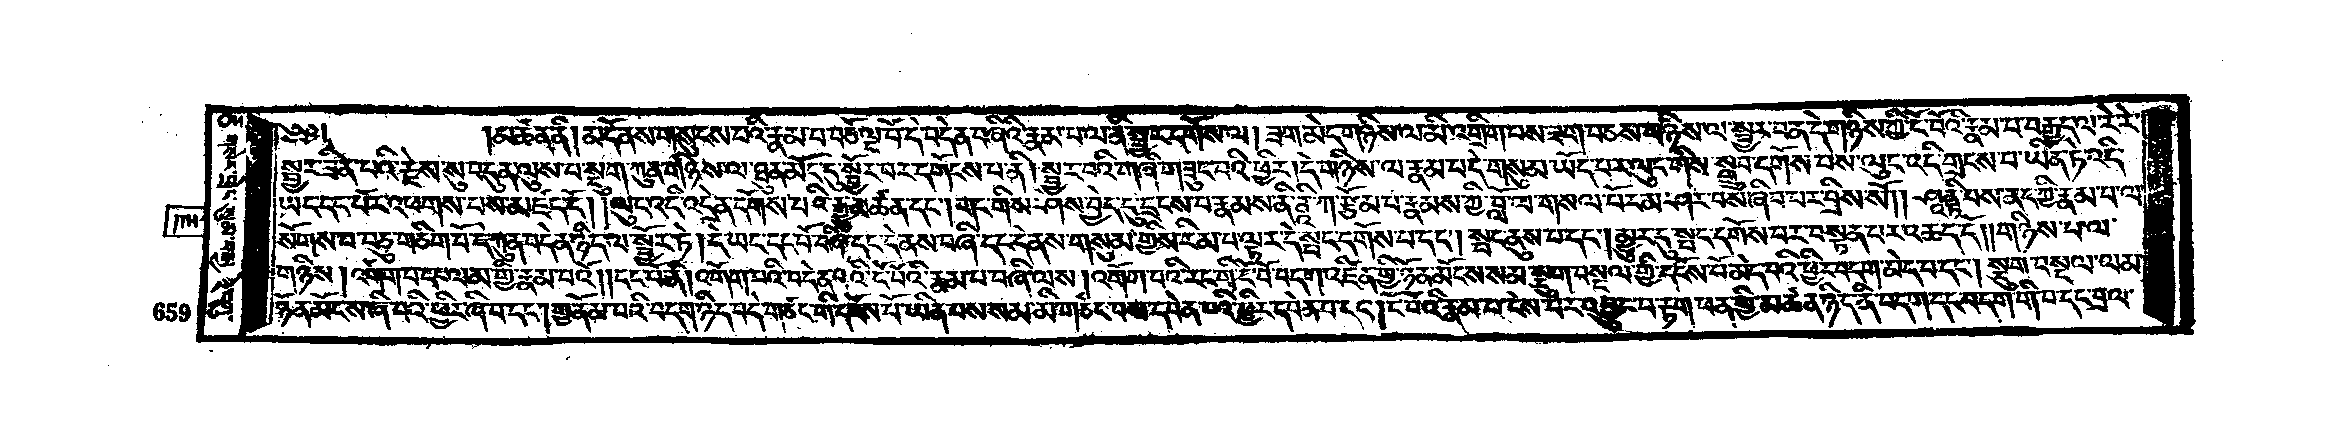༄༅། །མཚན་ནི། མདོ་ནས་གསུངས་པའི་རྣམ་པ་བཅོ་ལྔ་པོ་དེ་བདེན་བཞིའི་རྣམ་པ་ལ་ནི་སྦྱར་དགོས་ལ། ཟག་མེད་གཉིས་ལ་མི་འགྲིག་པས་ཟག་བཅས་གཉིས་ལ་སྦྱར་བ་ན་དེ་གཉིས་ཀྱི་ངོ་བོའི་རྣམ་པ་བརྒྱད་ལ་རེ་རེ་
སྦྱར་ཟིན་པའི་རྗེས་སུ་བདུན་ལུས་པ་སྡུག་ཀུན་གཉིས་ལ་ཐུན་མོང་དུ་སྦྱོར་བར་དགོངས་པ་ནི། སྦྱར་བའི་གཞི་གཟུང་བའི་ཕྱིར། དེ་གཉིས་ལ་རྣམ་པ་དེ་གསུམ་ཡོད་པར་ལུང་གིས་སྒྲུབ་དགོས་པས་ལུང་འདི་གྲངས་པ་ཡིན་ཏེ་འདི་
ཡང་དང་པོར་འཕགས་པས་མཛད་དོ། །ལུང་འདི་འདྲེན་དགོས་པའི་རྒྱུ་མཚན་དང་། གང་གིས་ཤེས་བྱེད་དུ་དྲངས་པ་རྣམས་ནི་ཊཱི་ཀ་རྩོམ་པ་རྣམས་ཀྱི་བློ་ལ་གསལ་པོར་མ་ཤར་བས་ཞིབ་པར་བྲིས་སོ། །ཤཱནྟི་པས་ནད་ཀྱི་རྣམ་པ་ལ་
སོགས་པ་བཅུ་གཅིག་པོ་དེ་ཀུན་བདེན་ཉིད་ལ་སྦྱོར་ཏེ། དེ་ཡང་དང་པོ་བཞི། དང་དེ་ནས་བཞི་དང་དེ་ནས་གསུམ་གྱིས་རིམ་པ་ལྟར་དེ་སྤང་དགོས་པ་དང་། སྤང་ནུས་པ་དང་། མྱུར་དུ་སྤང་དགོས་པར་བསྟན་པར་འཆད་དོ། །གཉིས་པ་ལ་
གཉིས། འགོག་པ་དང་ལམ་གྱི་རྣམ་པའོ། །དང་པོ་ནི། འགོག་པའི་བདེན་པའི་ངོ་བོའི་རྣམ་པ་བཞི་ལས། འགོག་པའི་རང་གི་ངོ་བོ་བདག་འཛིན་གྱི་ཉོན་མོངས་སམ་སྡུག་བསྔལ་གྱི་དངོས་པོ་མེད་པའི་ཕྱིར་བདག་མེད་པ་དང་། སྡུག་བསྔལ་ལམ་
ཉོན་མོངས་ཞི་བའི་ཕྱིར་ཞི་བ་དང་། གྱ་ནོམ་པའི་བདག་ཉིད་བདེ་གཙང་གི་དངོས་པོ་ཡིན་པས་སམ་མི་གཙང་བས་དབེན་པའི་ཕྱིར་དབེན་པ་དང་། ངོ་བོའི་རྣམ་པ་ངེས་པར་འབྱུང་བ་རྟག་ཕན་གྱི་མཚན་ཉིད་ནི་བདག་དང་བདག་གི་བ་དང་བྲལ་